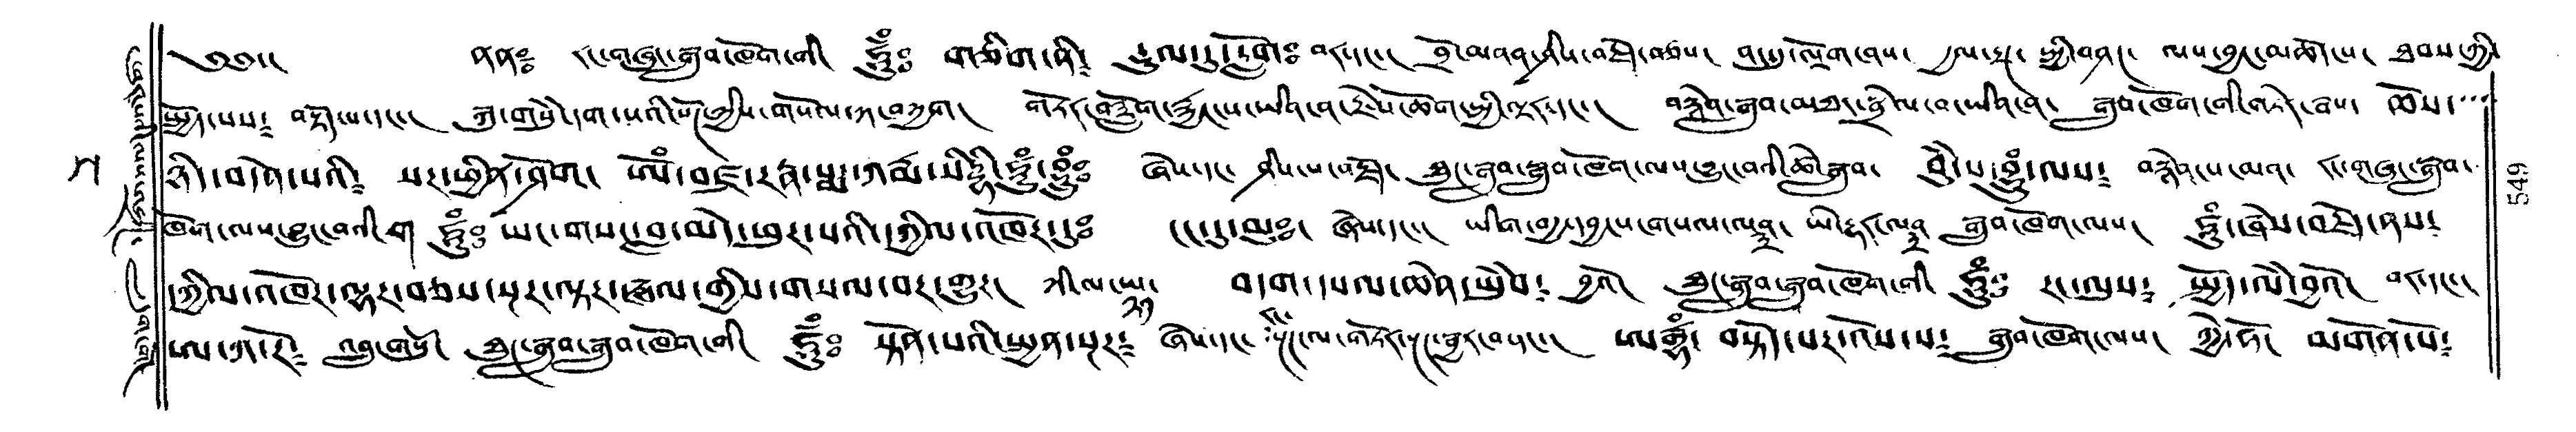ནན༔ རང་གཞུང་སྒྲུབ་ཁོག་གི ཧཱུྃ༔ གཅིག་ནི༴ རྡུལ་དུ་རློགས༔ བར་དང་། བྲོ་མནན་ཤིས་བརྗོད་བཅས། ནང་དུ་ལྡོག་ནས། རྒྱལ་རྟགས། སྤྱི་བཤགས། ལས་བྱང་མཆོད་པ། ཐབས་ཀྱི་༔
སྤྱོད་པས༴ བསྟོད་པ་དང་། སྐུ་གསུམ་དག་པའི༴ སོགས་ཀྱིས་གསོལ་ཀ་བཀྱགས། གཏོར་བཟློག་རྐྱང་པ་ཡིན་ན་རྗེས་ཆོག་སྤྱི་ལྟར་དང་། བསྙེན་སྒྲུབ་མཐར་སྦྲེལ་བ་ཡིན་ན། སྒྲུབ་ཁོག་གི་གཏེར་སྦས། ཆོས་
ཉིད་བདེན་པའི༴ སར་ཕྱིན་ཤོག༔ ཨོཾ་བཛྲ་རཏྣ་པདྨ་ཀརྨ་སིདྡྷི་ཧཱུྃ་བྷྲུྃཿ ཞེས་དང་། ཤིས་པ་བརྗོད། ཐུགས་སྒྲུབ་སྒྲུབ་ཁོག་ལས་བྱུང་བའི་ཚེ་སྒྲུབ། བུམ་པ་བྷྲུཾ་ལས༴ བསྙེན་པ་མན། རང་གཞུང་སྒྲུབ་
ཁོག་ལས་བྱུང་བའི། ཧཱུྃ༔ ཡང་གསང་བླ་མེད་ཕུར་པའི་དཀྱིལ་འཁོར་དུ༔ ངང་དུ་མུ༔ ཞེས་དང་། ཡིག་བརྒྱ་དབྱངས་གསལ་ལན་གསུམ། ཡེ་དྷར་ལན་གསུམ། སྒྲུབ་ཁོག་ལས། ཧཱུྃ༔ཞེས་བརྗོད་ནས༴ 
དཀྱིལ་འཁོར་ལྷར་བཅས་སྔར་ལྟར་ཝལ་གྱིས་གསལ་བར་གྱུར། ཀི་ལ་ཡ་ཉེར་གཅིག བདག་དཔལ་ཆེན་ཡབ་ཡུམ༴ བྱའོ། ཐུགས་སྒྲུབ་སྒྲུབ་ཁོག་གི ཧཱུྃ༔ རང་ལུས༴ སྤྱོད་ལམ་བྱའོ༔ བར་དང་། 
ཨ་ཀ་རོ༴ འབྲུ་གསུམ། ཐུགས་སྒྲུབ་སྒྲུབ་ཁོག་གི ཧཱུྃ༔ སྟོན་པའི་སྤྱན་སྔར༴ ཞེས་དང་། རང་སྔགས་ལ་གཏོར་སྔགས་སྦྱར་བ་དང་། ཨརྒྷཾ༴ བསྟོད་པར་འོས་པ༴ སྒྲུབ་ཁོག་ལས། ཀྱེ་ཧོ༔ མགོན་པོ༴